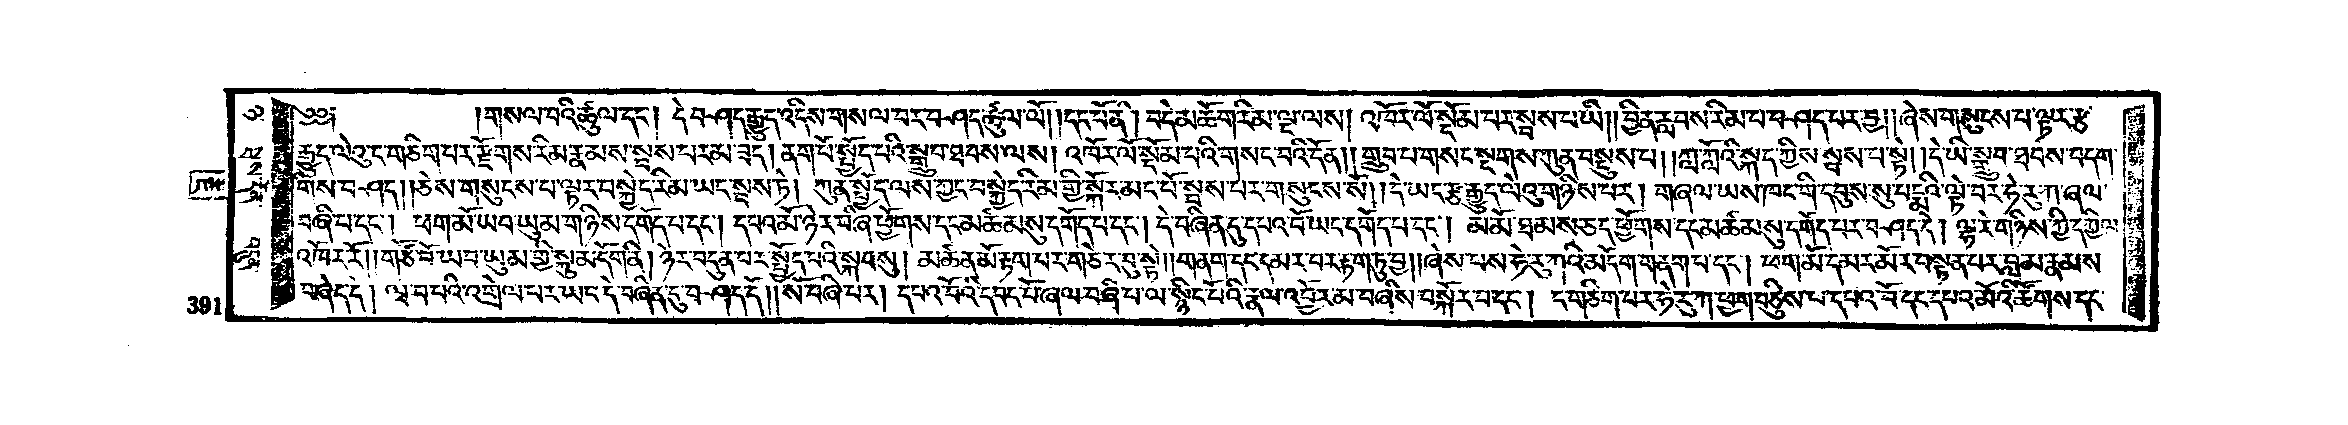༄༅། །གསལ་བའི་ཚུལ་དང་། དེ་བཤད་རྒྱུད་འདིས་གསལ་བར་བཤད་ཚུལ་ལོ། །དང་པོ་ནི། བདེ་མཆོག་རིམ་ལྔ་ལས། འཁོར་ལོ་སྡོམ་པར་སྦས་པ་ཡི། །བྱིན་རླབས་རིམ་པ་བཤད་པར་བྱ། །ཞེས་གསུངས་པ་ལྟར་རྩ་
རྒྱུད་ལེའུ་ང་གཅིག་པར་རྫོགས་རིམ་རྣམས་སྦས་པར་མ་ཟད། ནག་པོ་སྤྱོད་པའི་སྒྲུབ་ཐབས་ལས། འཁོར་ལོ་སྡོམ་པའི་གསང་བའི་དོན། །གྲུབ་པ་གསང་སྔགས་ཀུན་བསྡུས་པ། །ཀླ་ཀློའི་སྐད་ཀྱིས་སྦས་པ་སྟེ། །དེ་ཡི་སྒྲུབ་ཐབས་བདག་
གིས་བཤད། །ཅེས་གསུངས་པ་ལྟར་བསྐྱེད་རིམ་ཡང་སྦས་ཏེ། ཀུན་སྤྱོད་ལས་ཀྱང་བསྐྱེད་རིམ་གྱི་སྐོར་མང་པོ་སྦས་པར་གསུངས་སོ། །དེ་ཡང་རྩ་རྒྱུད་ལེའུ་གཉིས་པར། གཞལ་ཡས་ཁང་གི་དབུས་སུ་པདམའི་ལྟེ་བར་ཧེ་རུ་ཀ་ཞལ་
བཞི་པ་དང་། ཕག་མོ་ཡབ་ཡུམ་གཉིས་དགོད་པ་དང་། དཔའ་མོ་ཉེར་བཞི་ཕྱོགས་དང་མཚམས་སུ་དགོད་པ་དང་། དེ་བཞིན་དུ་དཔའ་བོ་ཡང་དགོད་པ་དང་། མ་མོ་ཐམས་ཅད་ཕྱོགས་དང་མཚམས་སུ་དགོད་པར་བཤད་དེ། ལྷ་རེ་གཉིས་ཀྱི་དཀྱིལ་
འཁོར་རོ། །གཙོ་བོ་ཡབ་ཡུམ་གྱི་སྐུ་མདོག་ནི། ཉེར་བདུན་པར་སྤྱོད་པའི་སྐབས་སུ། མཚན་མོ་རྟག་པར་གཅེར་བུ་སྟེ། །གནག་དང་དམར་བར་རྟག་ཏུ་བྱ། །ཞེས་པས་ཧེ་རུ་ཀའི་མདོག་གནག་པ་དང་། ཕག་མོ་དམར་མོར་བསྟན་པར་བླ་མ་རྣམས་
བཞེད་དེ། ལྭ་བ་པའི་འགྲེལ་པར་ཡང་དེ་བཞིན་དུ་བཤད་དོ། །སོ་བཞི་པར། དཔའ་བོའི་དབང་པོ་ཞལ་བཞི་པ་ལ་སྙིང་པོའི་རྣལ་འབྱོར་མ་བཞིས་བསྐོར་བ་དང་། ང་གཅིག་པར་ཧེ་རུ་ཀ་ཕྱག་བཅུ་གཉིས་པ་དཔའ་བོ་དང་དཔའ་མོའི་ཚིགས་དང་